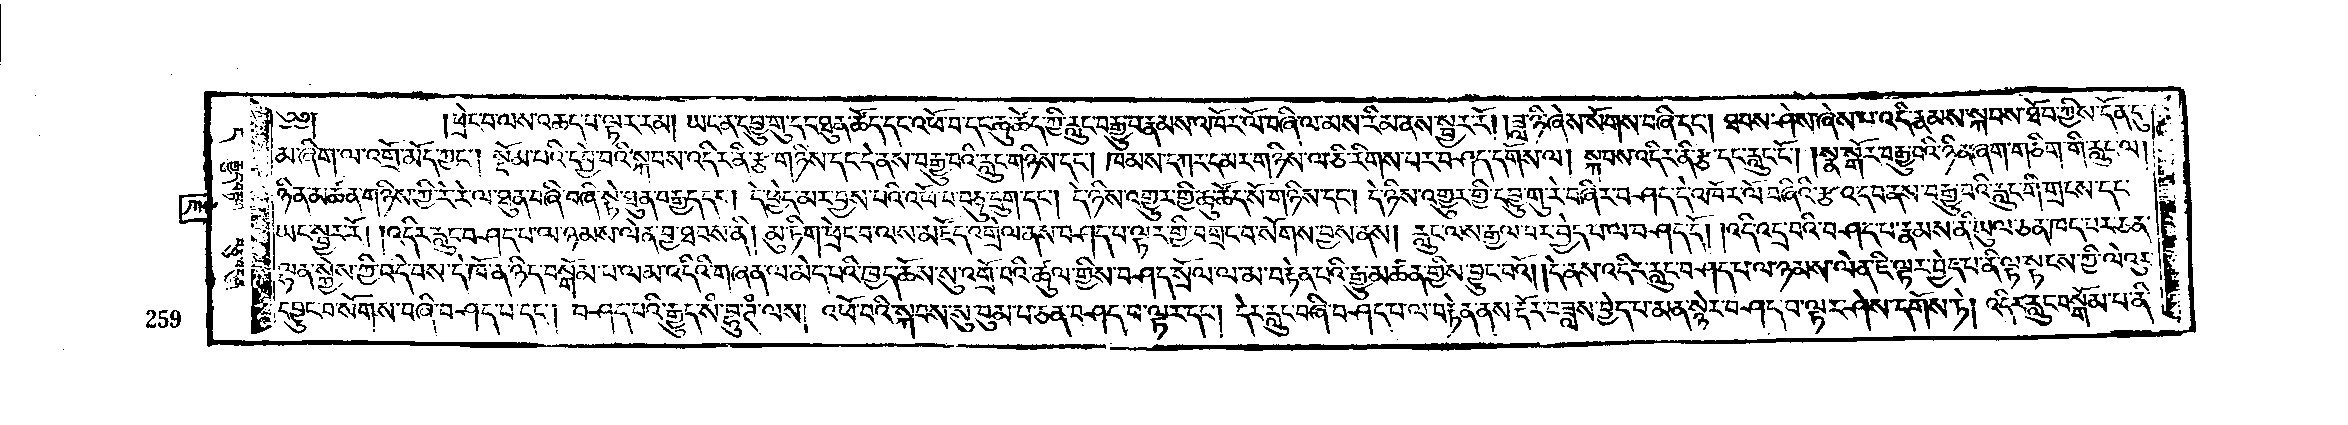༄༅། །ཕྲེང་བ་ལས་འཆད་པ་ལྟར་རམ། ཡང་ན་དབྱུ་གུ་དང་ཐུན་ཚོད་དང་འཕོ་བ་དང་ཆུ་ཚོད་ཀྱི་རླུང་བརྒྱུ་བ་རྣམས་འཁོར་ལོ་བཞི་ལ་མས་རིམ་ནས་སྦྱར་རོ། །ཟླ་ཉི་ཞེས་སོགས་བཞི་དང་། ཐབས་ཤེས་ཞེས་པ་འདི་རྣམས་སྐབས་ཐོབ་ཀྱིས་དོན་དུ་
མ་ཞིག་ལ་འགྲོ་མོད་ཀྱང་། སྡོམ་པའི་དབྱེ་བའི་སྐབས་འདིར་ནི་རྩ་གཉིས་དང་དེ་ནས་བརྒྱུ་བའི་རླུང་གཉིས་དང་། ཁམས་དཀར་དམར་གཉིས་ལ་ཅི་རིགས་པར་བཤད་དགོས་ལ། སྐབས་འདིར་ནི་རྩ་དང་རླུང་ངོ། །སྣ་སྒོར་བརྒྱུ་བའི་ཉིན་ཞག་གཅིག་གི་རླུང་ལ།
ཉིན་མཚན་གཉིས་ཀྱི་རེ་རེ་ལ་ཐུན་བཞི་བཞི་སྟེ་ཐུན་བརྒྱད་དང་། དེ་ཕྱེད་མར་བྱས་པའི་འཕོ་བ་བཅུ་དྲུག་དང་། དེ་ཉིས་འགྱུར་གྱི་ཆུ་ཚོད་སོ་གཉིས་དང་། དེ་ཉིས་འགྱུར་གྱི་དབྱུ་གུ་རེ་བཞིར་བཤད་དེ་འཁོར་ལོ་བཞིའི་རྩ་འདབ་ནས་བརྒྱུ་བའི་རླུང་གི་གྲངས་དང་
ཡང་སྦྱར་རོ། །འདིར་རླུང་བཤད་པ་ལ་ཉམས་ལེན་བྱ་ཐབས་ནི། མུ་ཏིག་ཕྲེང་བ་ལས་མཛོད་འགྲེལ་ནས་བཤད་པ་ལྟར་གྱི་བགྲང་བ་སོགས་བྱས་ནས། རླུང་ལས་རྒྱལ་བར་བྱེད་པ་ལ་བཤད་དོ། །འདི་འདྲ་བའི་བཤད་པ་རྣམས་ནི་ཡུལ་ཅན་ཁད་པར་ཅན་
ལྷན་སྐྱེས་ཀྱི་བདེ་བས་དེ་ཁོ་ན་ཉིད་བསྒོམ་པ་ལམ་འདིའི་གཞན་ལ་མེད་པའི་ཁྱད་ཆོས་སུ་འགྲོ་བའི་ཚུལ་གྱིས་བཤད་སྲོལ་ལ་མ་བརྟེན་པའི་རྒྱུ་མཚན་གྱིས་བྱུང་བའོ། །དེ་ནས་འདིར་རླུང་བཤད་པ་ལ་ཉམས་ལེན་ཇི་ལྟར་བྱེད་པ་ནི་ལྟ་སྟངས་ཀྱི་ལེའུར་
དབྱུང་བ་སོགས་བཞི་བཤད་པ་དང་། བཤད་པའི་རྒྱུད་སཾ་བྷུ་ཊཾ་ལས། འཕོ་བའི་སྐབས་སུ་བུམ་པ་ཅན་བཤད་པ་ལྟར་དང་། དེར་རླུང་བཞི་བཤད་པ་ལ་བརྟེན་ནས་རྡོར་བཟླས་བྱེད་པ་མན་སྙེར་བཤད་པ་ལྟར་ཤེས་དགོས་ཏེ། འདིར་རླུང་བསྒོམ་པ་ནི་